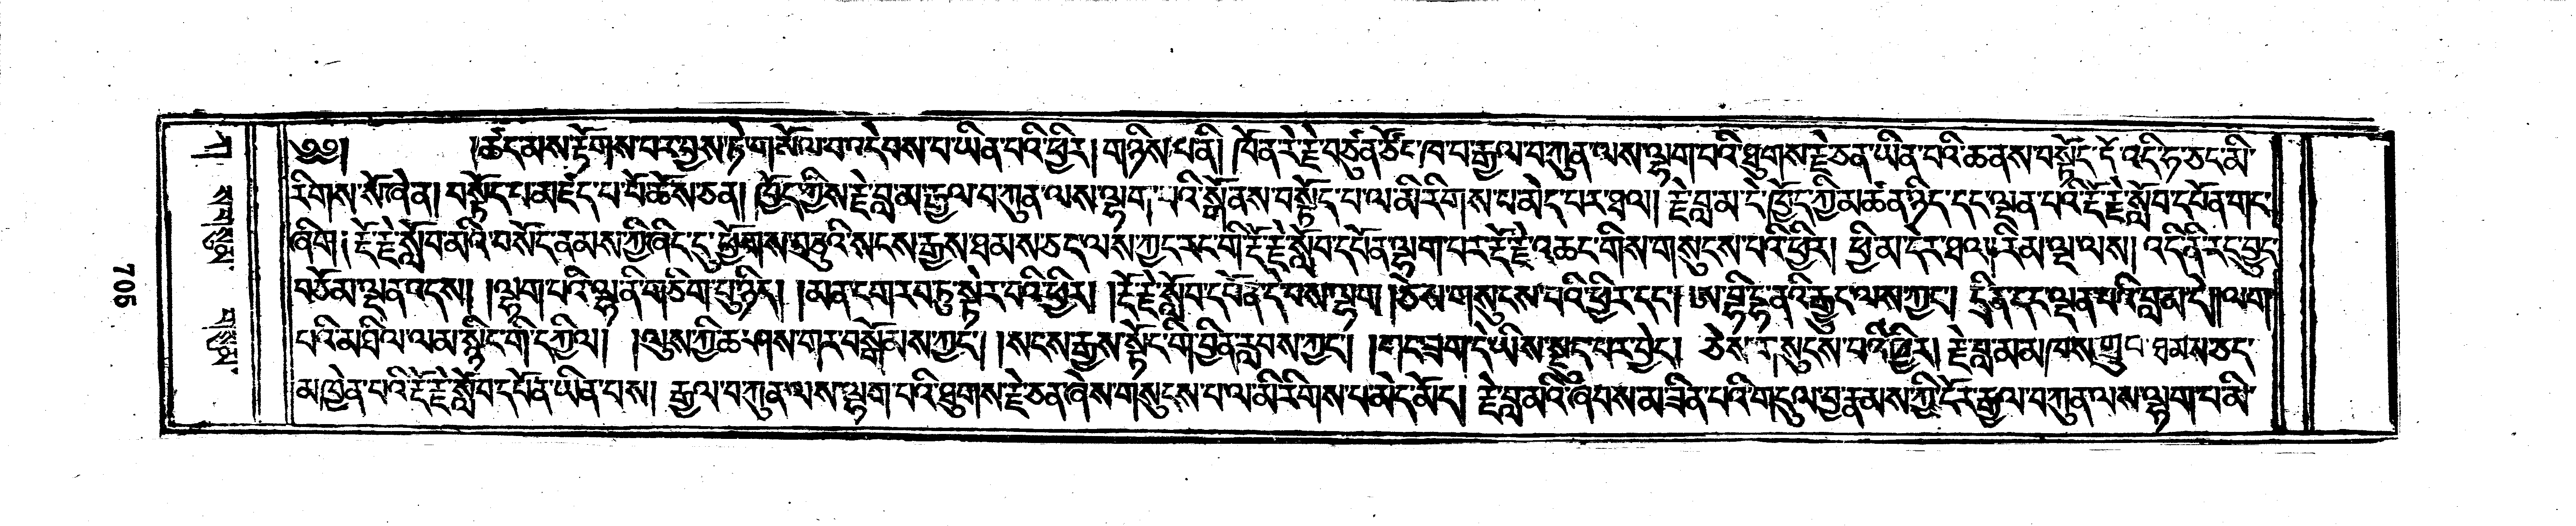༄༅། །ཚད་མས་རྟོགས་པར་བྱས་ཏེ་གསོལ་བ་འདེབས་པ་ཡིན་པའི་ཕྱིར། གཉིས་པ་ནི། ཁོ་ན་རེ་རྗེ་བཙུན་ཙོང་ཁ་པ་རྒྱལ་བ་ཀུན་ལས་ལྷག་པའི་ཐུགས་རྗེ་ཅན་ཡིན་པའི་ཆ་ནས་བསྟོད་པ་འདི་ཧ་ཅང་མི་
རིགས་སོ་ཞེ་ན། བསྟོད་པ་མཛད་པ་པོ་ཆོས་ཅན། ཁྱོད་ཀྱིས་རྗེ་བླ་མ་རྒྱལ་བ་ཀུན་ལས་ལྷག་པའི་སྒོ་ནས་བསྟོད་པ་ལ་མི་རིགས་པ་མེད་པར་ཐལ། རྗེ་བླ་མ་དེ་ཁྱོད་ཀྱི་མཚན་ཉིད་དང་ལྡན་པའི་རྡོ་རྗེ་སློབ་དཔོན་གང་
ཞིག །རྡོ་རྗེ་སློབ་མའི་བསོད་ནམས་ཀྱི་ཞིང་དུ་ཕྱོགས་བཅུའི་སངས་རྒྱས་ཐམས་ཅད་ལས་ཀྱང་རང་གི་རྡོ་རྗེ་སློབ་དཔོན་ལྷག་པར་རྡོ་རྗེ་འཆང་གིས་གསུངས་པའི་ཕྱིར། ཕྱི་མ་དེར་ཐལ། རིམ་ལྔ་ལས། འདི་ནི་རང་བྱུང་
བཅོམ་ལྡན་འདས། །ལྷག་པའི་ལྷ་ནི་གཅིག་པུ་ཉིད། །མན་ངག་རབ་ཏུ་སྟེར་བའི་ཕྱིར། །རྡོ་རྗེ་སློབ་དཔོན་དེ་བས་ལྷག །ཅེས་གསུངས་པའི་ཕྱིར་དང་། ཨ་བྷི་དྷ་ནའི་རྒྱུད་ལས་ཀྱང་། དྲིན་དང་ལྡན་པའི་བླ་མ་དེ། །ལག་
པའི་མཐིལ་ལམ་སྙིང་གི་དཀྱིལ། །ལུས་ཀྱི་ཆ་ཤས་གར་བསྒོམས་ཀྱང་། །སངས་རྒྱས་སྟོང་གི་བྱིན་རླབས་ཀྱང་། །གང་ཟག་དེ་ཡིས་སྡུད་པར་བྱེད། ཅེས་གསུངས་པའི་ཕྱིར། རྗེ་བླ་མ་མཁས་གྲུབ་ཐམས་ཅད་
མཁྱེན་པའི་རྡོ་རྗེ་སློབ་དཔོན་ཡིན་པས། རྒྱལ་བ་ཀུན་ལས་ལྷག་པའི་ཐུགས་རྗེ་ཅན་ཞེས་གསུངས་པ་ལ་མི་རིགས་པ་མེད་མོད། རྗེ་བླ་མའི་ཞབས་མ་ཟིན་པའི་གདུལ་བྱ་རྣམས་ཀྱི་ངོར་རྒྱལ་བ་ཀུན་ལས་ལྷག་པ་མི་